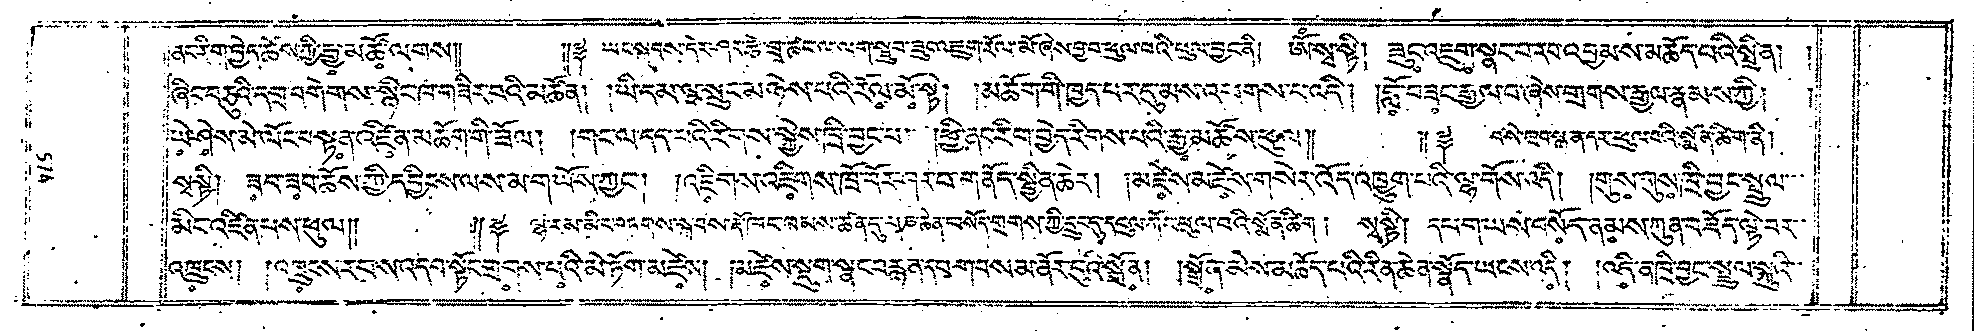ནང་རིག་བྱེད་ཆོས་ཀྱི་རྒྱ྾་མཚོ྾་ལགས།། །། ༈ ཡང་སྐབས་དེར་ཤར་རྩེ་གྲྭ་ཚང་ལ་ལག་སྦུབ་ཟུང་འཇུག་རོལ་མོ་ཞེས་བྱ་བ་ཕུལ་བའི་ཕུལ་བྱང་ནི།  ཨོཾ་སྭ་སྟི། ཟུང྾་འཇུག྾་སྣང་བ་རབ་འབྱམས་མཆོད་པའི་སྤྲིན། །
ཞིང་བཅུའི་དགྲ་བགེགས་སྙིང་ཁ་གཟིར་བའི་མཚོན། །ཡི་དམ་ལྷ་སྲུང་མཉེས་པའི་རོལ྾་མོ྾་སྟེ། །མཆོག་གི་ཁྱད་པར་དུ་མས་འཕགས་པ་འདི། །བློ྾་བཟང྾་རྒྱལ་བ་ཞེས་གྲགས་རྒྱལ་རྣམས་ཀྱི། །
ཡེ྾་ཤེས྾་མེ་ལོང་བསྟན྾་འཛིན྾་མཆོག་གི་ཟོལ། །གང་ལ་དད་པའི་རིགས་སྐྱེས་ཁྲི་བྱང་པ། །ཕྱི་ནང་རིག་བྱེད་རིགས་པའི་རྒྱ྾་མཚོས྾་ཕུལ།། །། ༈ བསེ་ཁྲབ་སྙན་དར་ཕུལ་བའི་སྨོན་ཚིག་ནི།
སྭ་སྟི། ཟབ྾་ཟབ྾་ཆོས་ཀྱི་དབྱིངས་ལས་མ་གཡོས་ཀྱང་། །འཇིགས྾་འཇིགས྾་ཁྲོ་བོར་ཤར་བ་གནོད་སྦྱིན་ཆེར། །མཛེས྾་མཛེས྾་གསེར་འོད་འཁྱུག་པའི་ལྷ་གོས་འདི། །གུས྾་གུས྾་ཁྲི་བྱང་སྤྲུལ་
མིང་འཛིན་པས་ཕུལ།། །། ༈ ལྷ་རམ་མིང་བཏགས་སྐབས་རྡོ་ཁང་ཁམས་ཚན་དུ་པཎ་ཆེན་བསོད་གྲགས་ཀྱི་དྲུང་དུ་དངུལ་ཀོང་ཕུལ་བའི་སྨོན་ཚིག་།སྭ་སྟི། དཔག་ཡས་བསོད྾་ནམས྾་ཀུན་བཟོད་ལྟེ་བར་
འཁྲུངས྾། །འཁྲུངས྾་རབས་འདབ་སྟོང་གྲགས྾་པའི྾་མེ་ཏོག་མཛེས྾། །མཛེས྾་སྡུག་སྣང་བརྙན་དཔག་བསམ་ནོར་བུའི་སྒྲོན྾། །སྒྲོན྾་མེས་མཆོད་པའི་རིན་ཆེན་སྣོད་ཡངས་འདི྾། །འདི྾་ན་ཁྲི་བྱང་སྤྲུལ་སྐུའི་